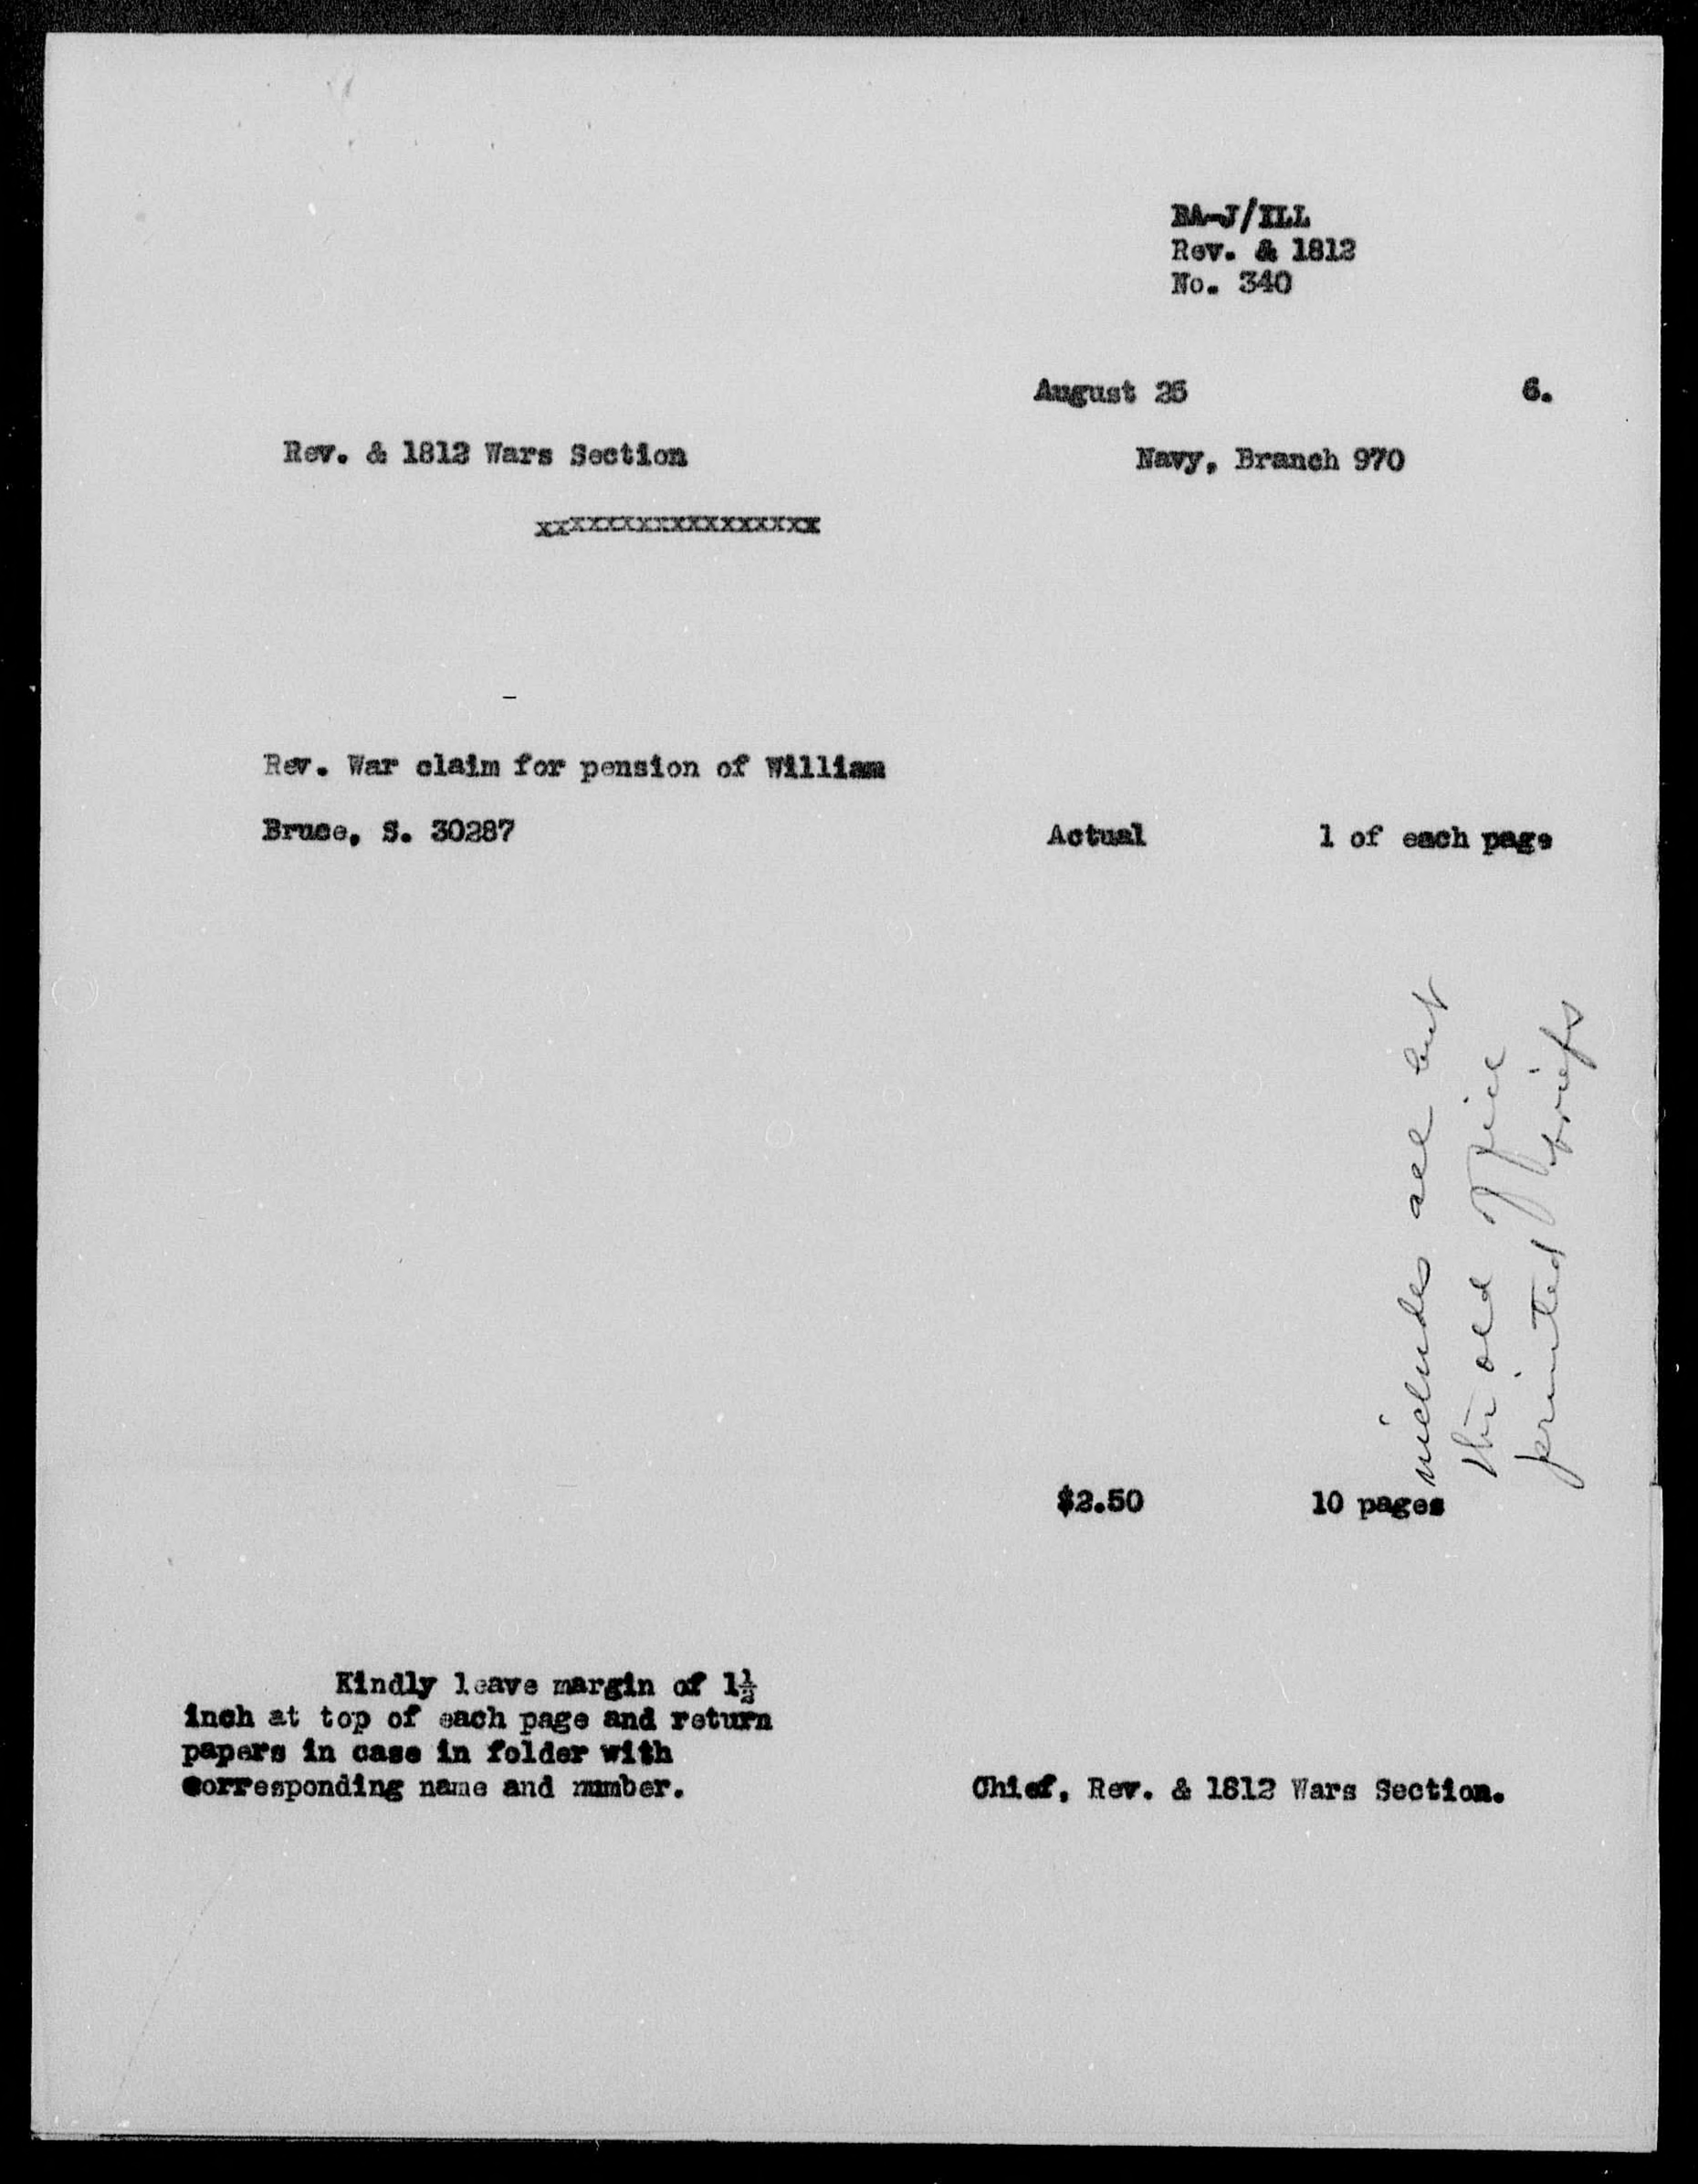[typed form, with handwritten responses]

BA-J/ILL 
Rev. & 1812 
No. 340 

August 25          6.

Rev. & 1812 Wars Section    Navy, Branch 970
XXXXX 

Rev. War claim for pension of William 
Bruce, S. 20287          Actual    1 of each page

[written sideways] includes all but the old office printed briefs

$2.50                 10 pages

Kindly leave margin of 1 ½ inch at top of each page and return papers in case in folder with corresponding name and number. 
Chief, Rev. & 1812 Wars Section.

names: William Bruce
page: 32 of 54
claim: survivor's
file: S. 30287, William Bruce, N.C.